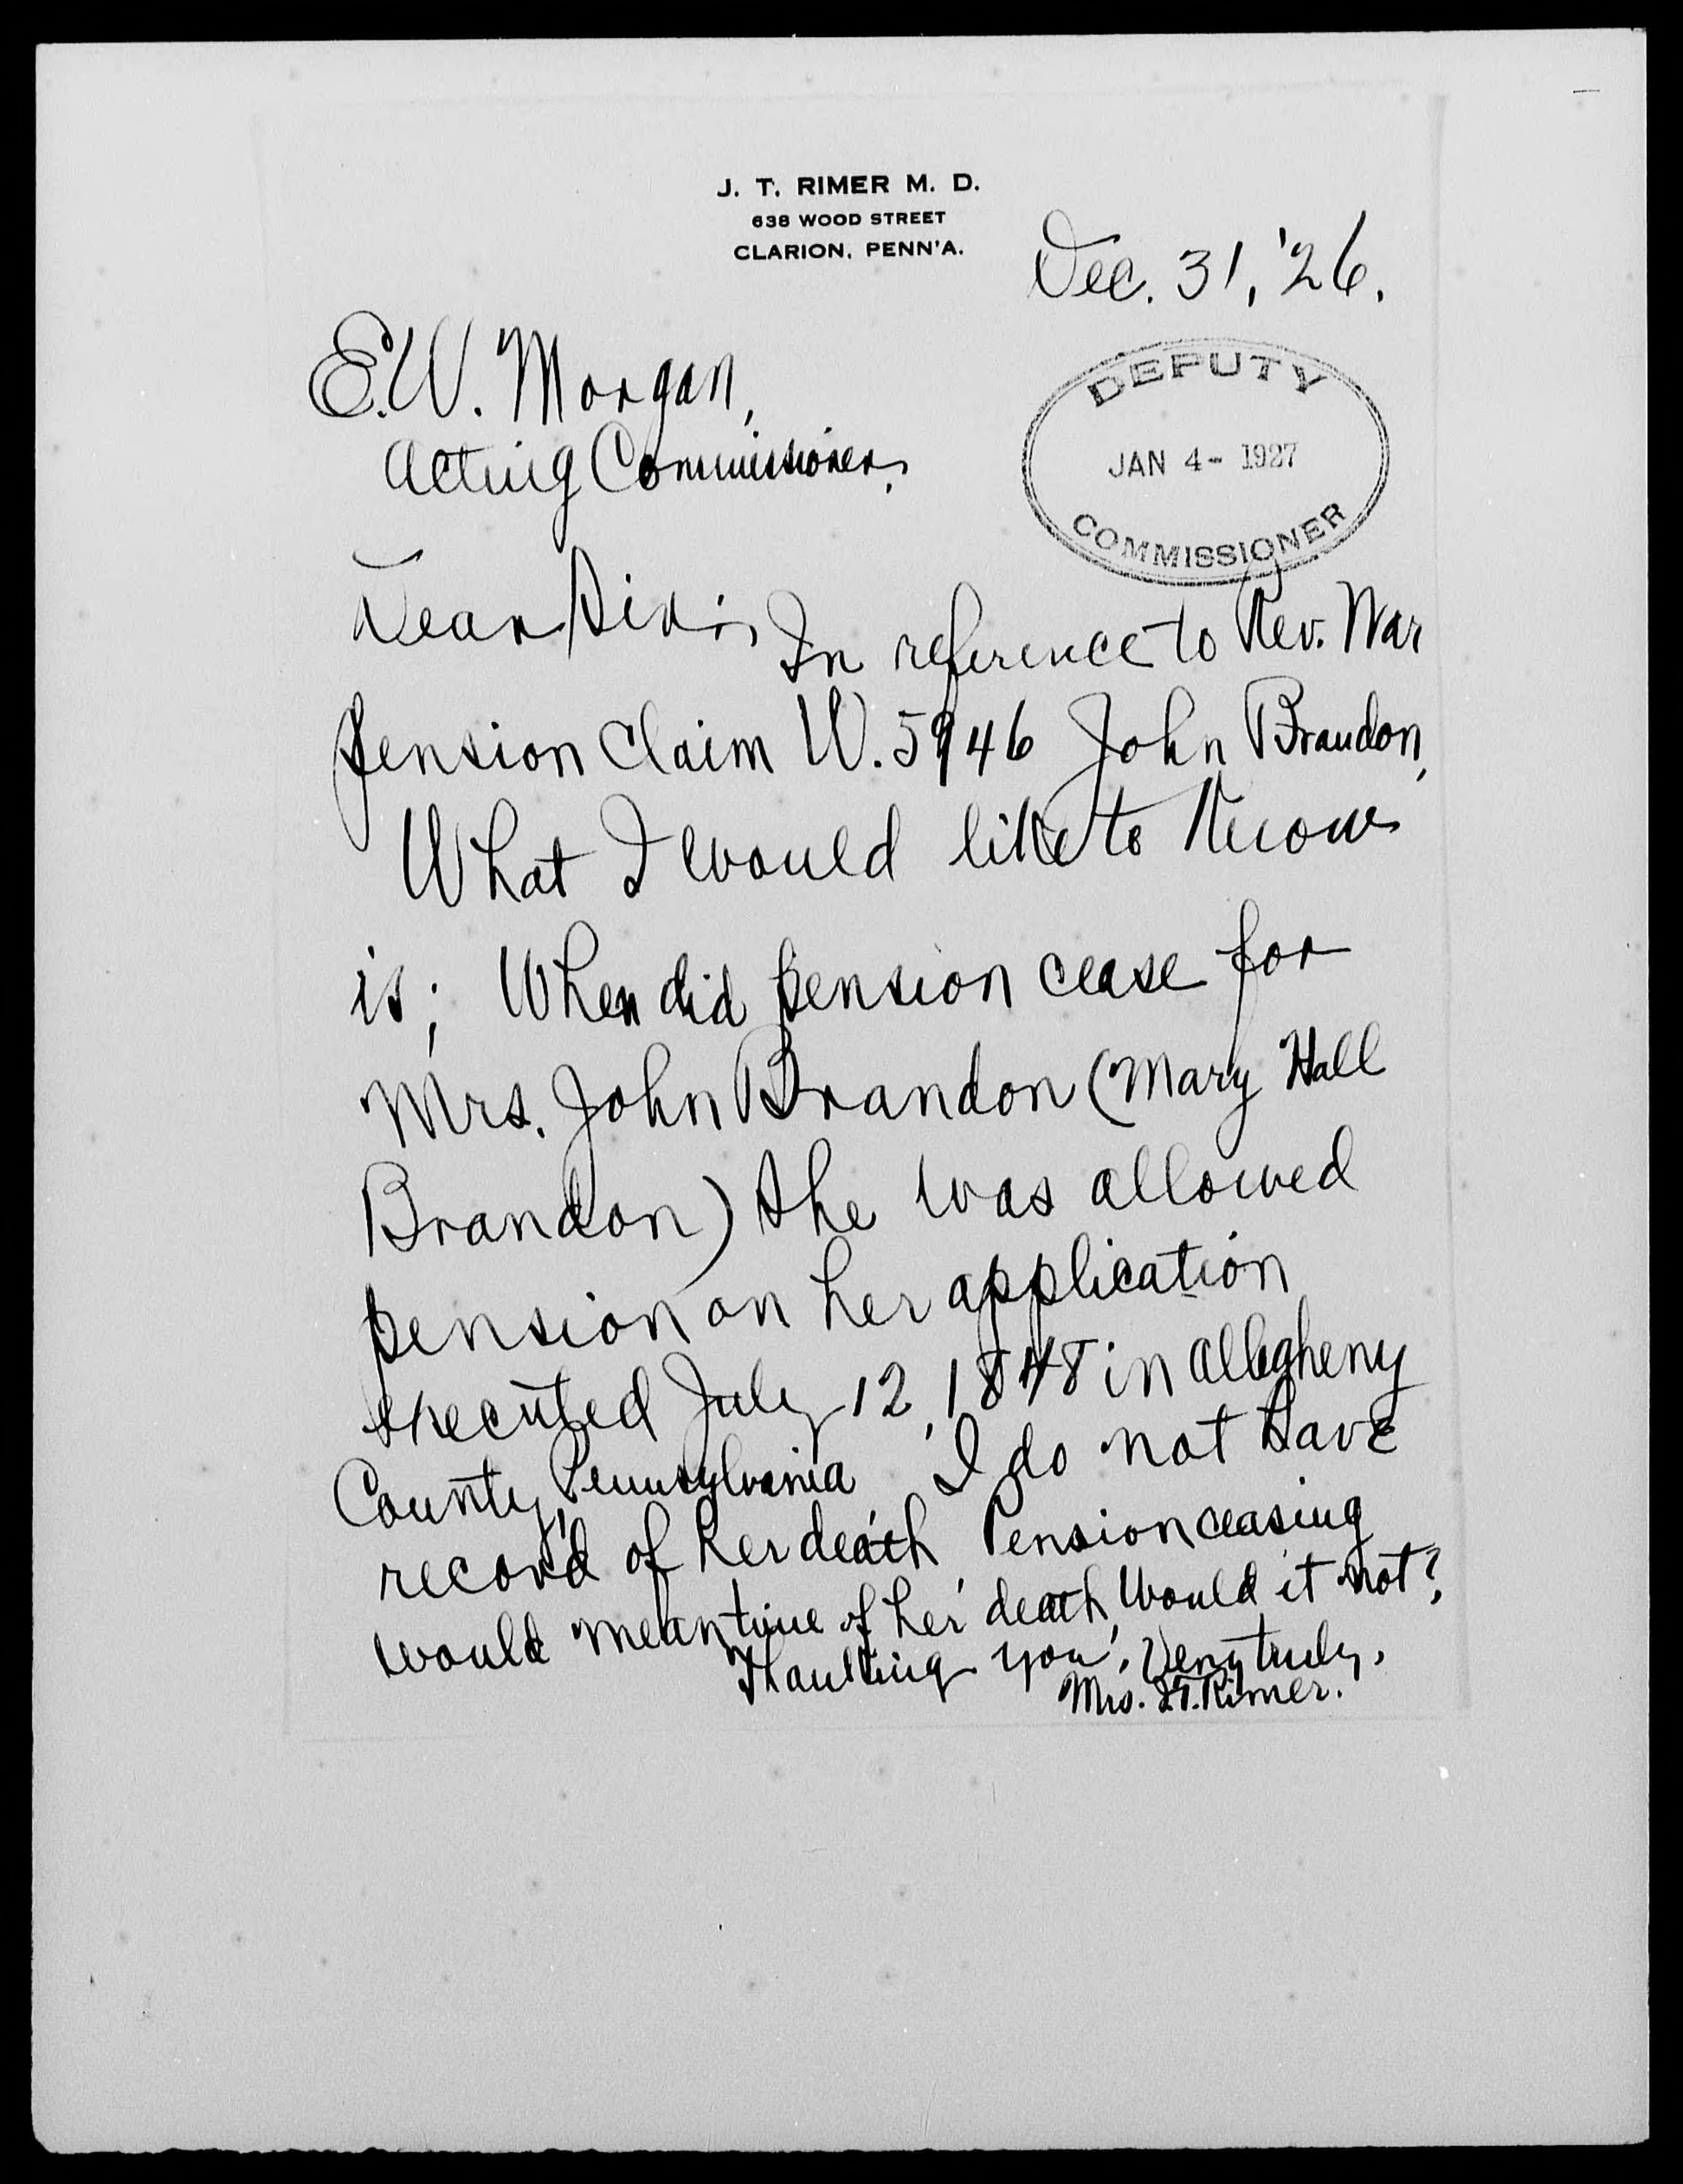J. T. RIMER M. D.
638 WOOD STREET
CLARION, PENN'A.

Dec. 31, '26.
W.W. Morgan,
Acting Commissioner.

[stamp]
DEPUTY COMMISSIONER
JAN 4- 1927

Dear Sir:
In reference to Rev. War pension claim W.5946 John Brandon.
What I would like to know is; when did pension close for Mrs. John Brandon (Mary Hall Brandon) She was allowed pension on her application executed July 12, 1848 in Allegheny County Pennsylvania I do not have record of her death Pension ceasing would mean time of her death, would it not?
Thanking you, Very truly,
Mrs. J.T. Rimer.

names: J T Rimer, John Brandon, J T Rimer, John Brandon, Mary Hall Brandon, E W Morgan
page: 65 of 83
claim: widow's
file: W. 5946, John Brandon, Penn